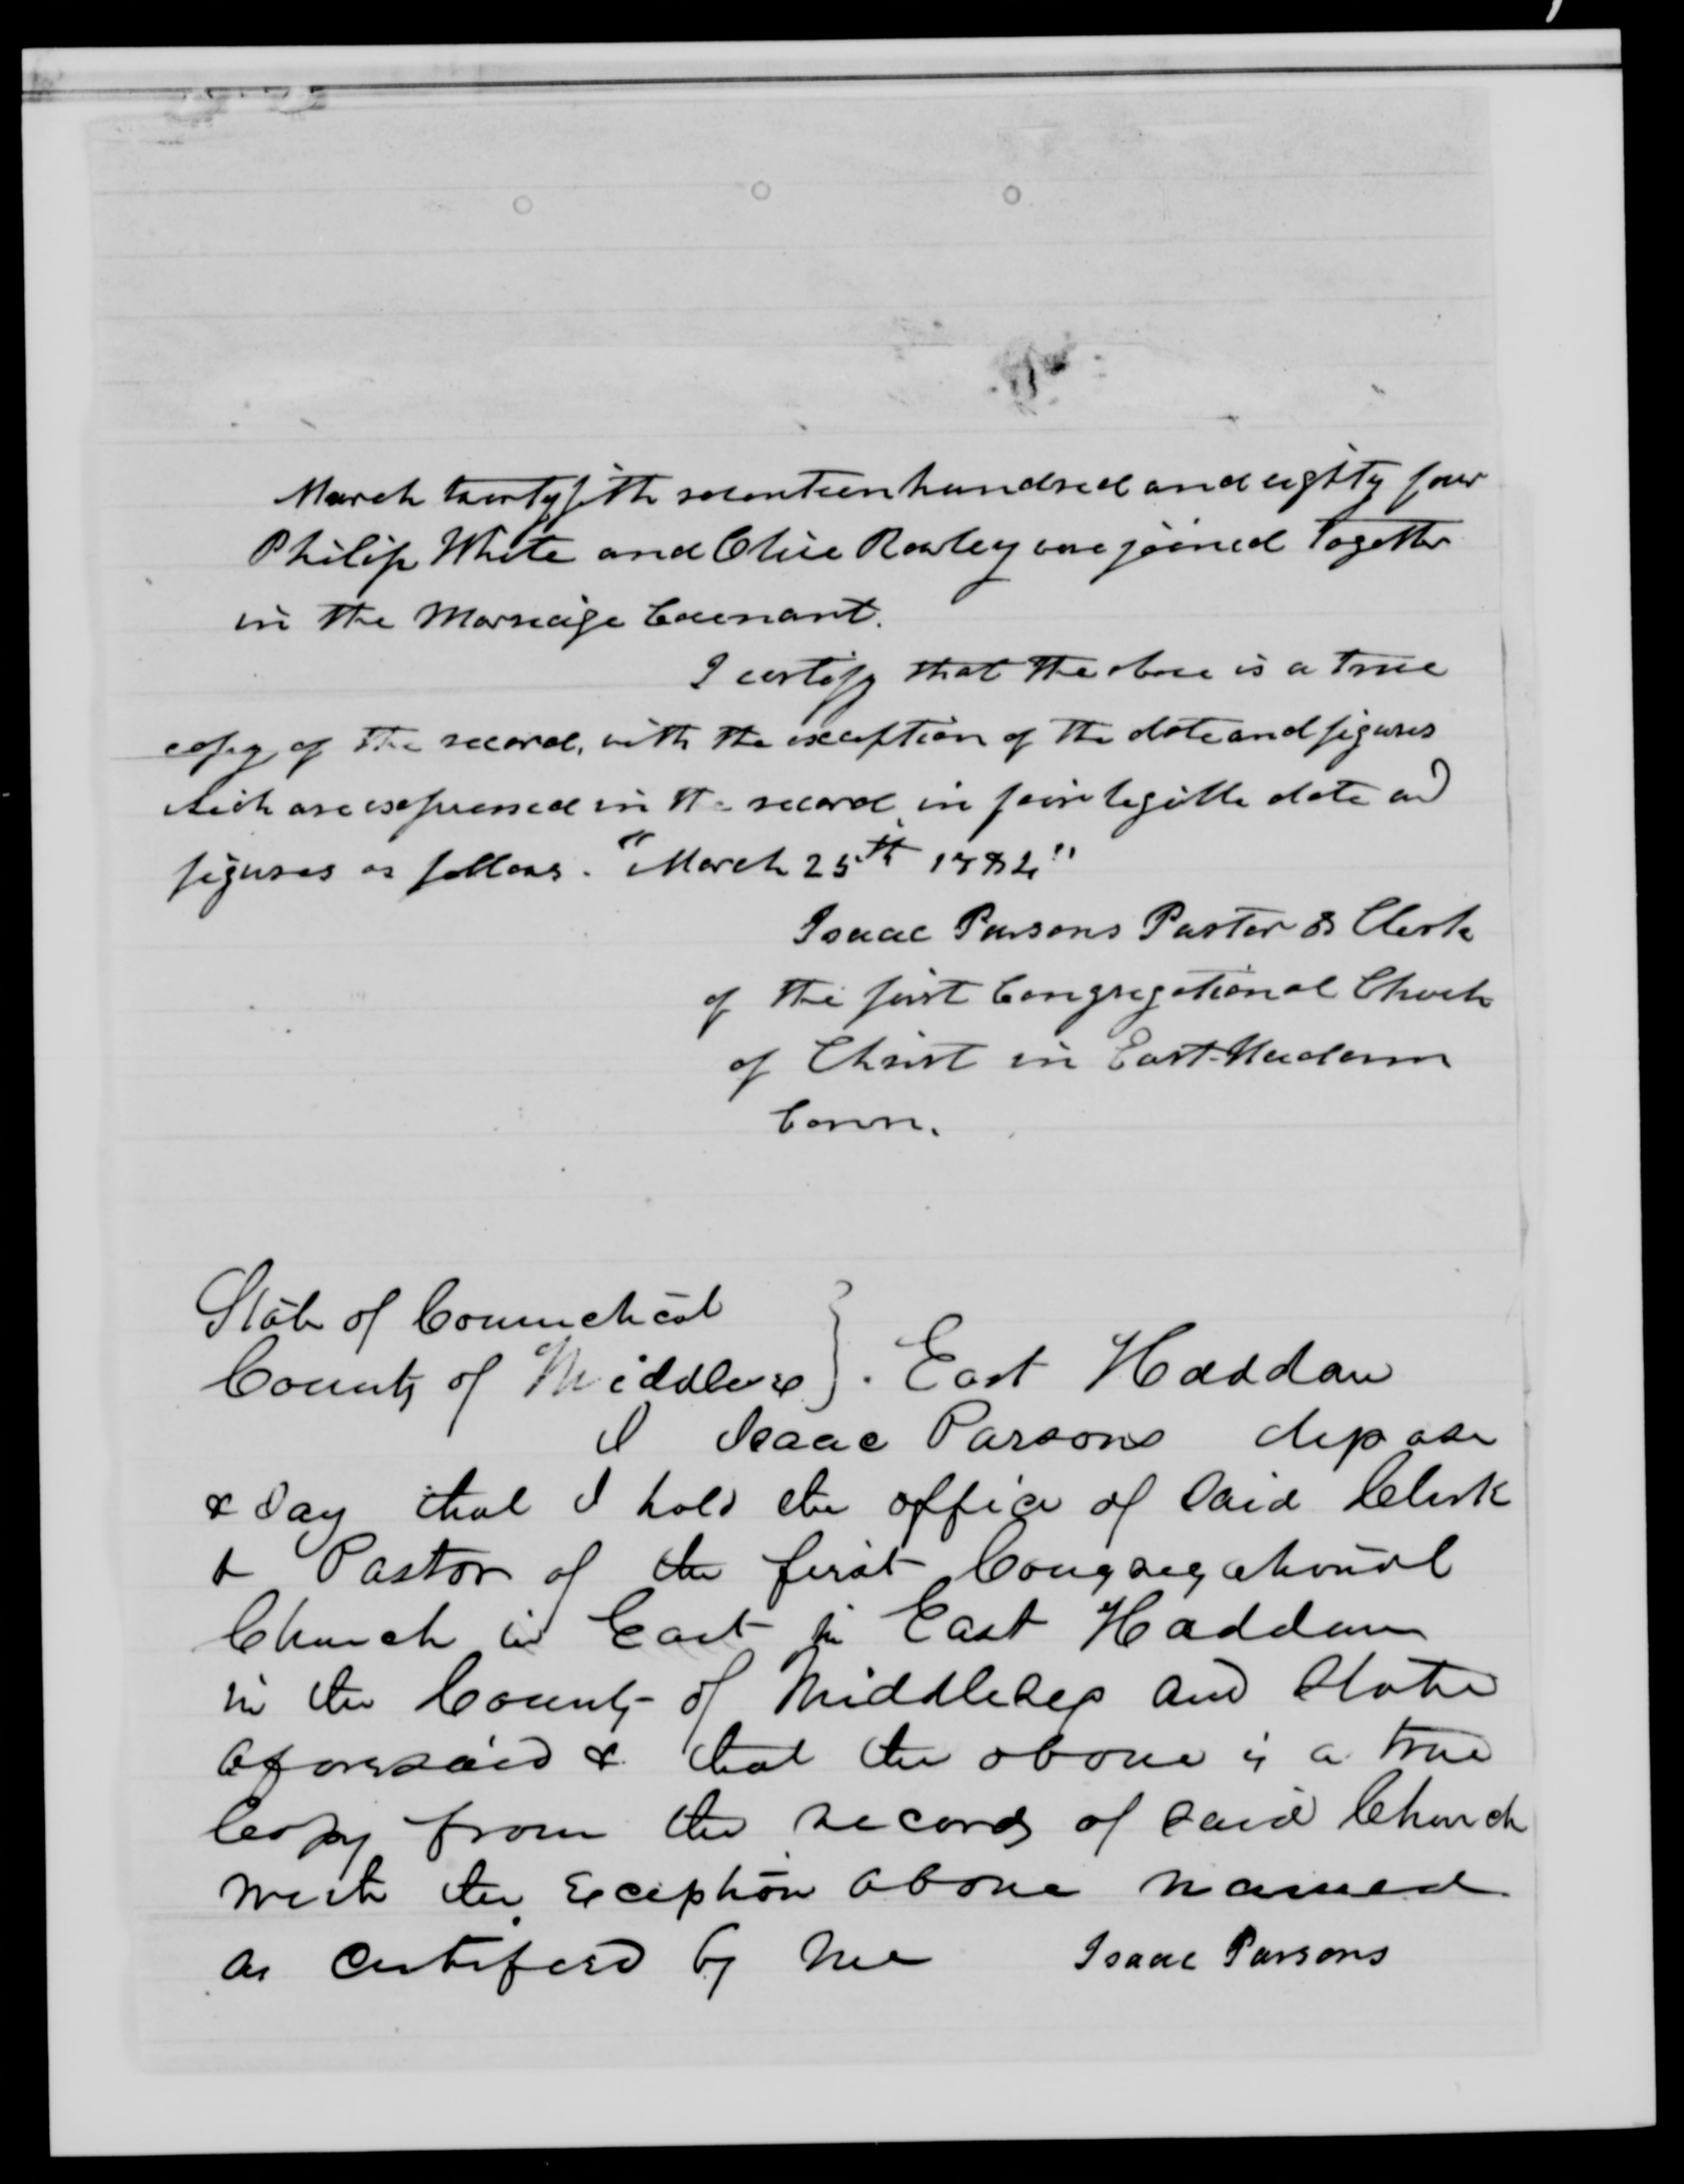March twentyfifth seventeen hundred and eighty four
Philip White and Olive Rowley were joined together
in the Marriage Covenant.
I certify that the above is a true
copy of the record with the exception of the date and figures
which are expressed in the record in fair legible date as
figures as follows "March 25th 1784"
Isaac Parsons Pastor & Clerk
of the First Congregational Church
of Christ in East Hadam
Conn.

State of Connecticut
County of Middlesex} East Haddam
I Isaac Parsons depose
& say that I hold the office of said Clerk
& Pastor of the first Congregational
Church in East in East Haddam
in the County of Middlesex and State
aforesaid & that the above is a true
Copy from the records of said Church
with the exception above named
as certified by me
Isaac Parsons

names: Philip White, Isaac Parsons, Church, Olive Rowley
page: 27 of 50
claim: widow's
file: W. 25,969, Philip White, Conn.